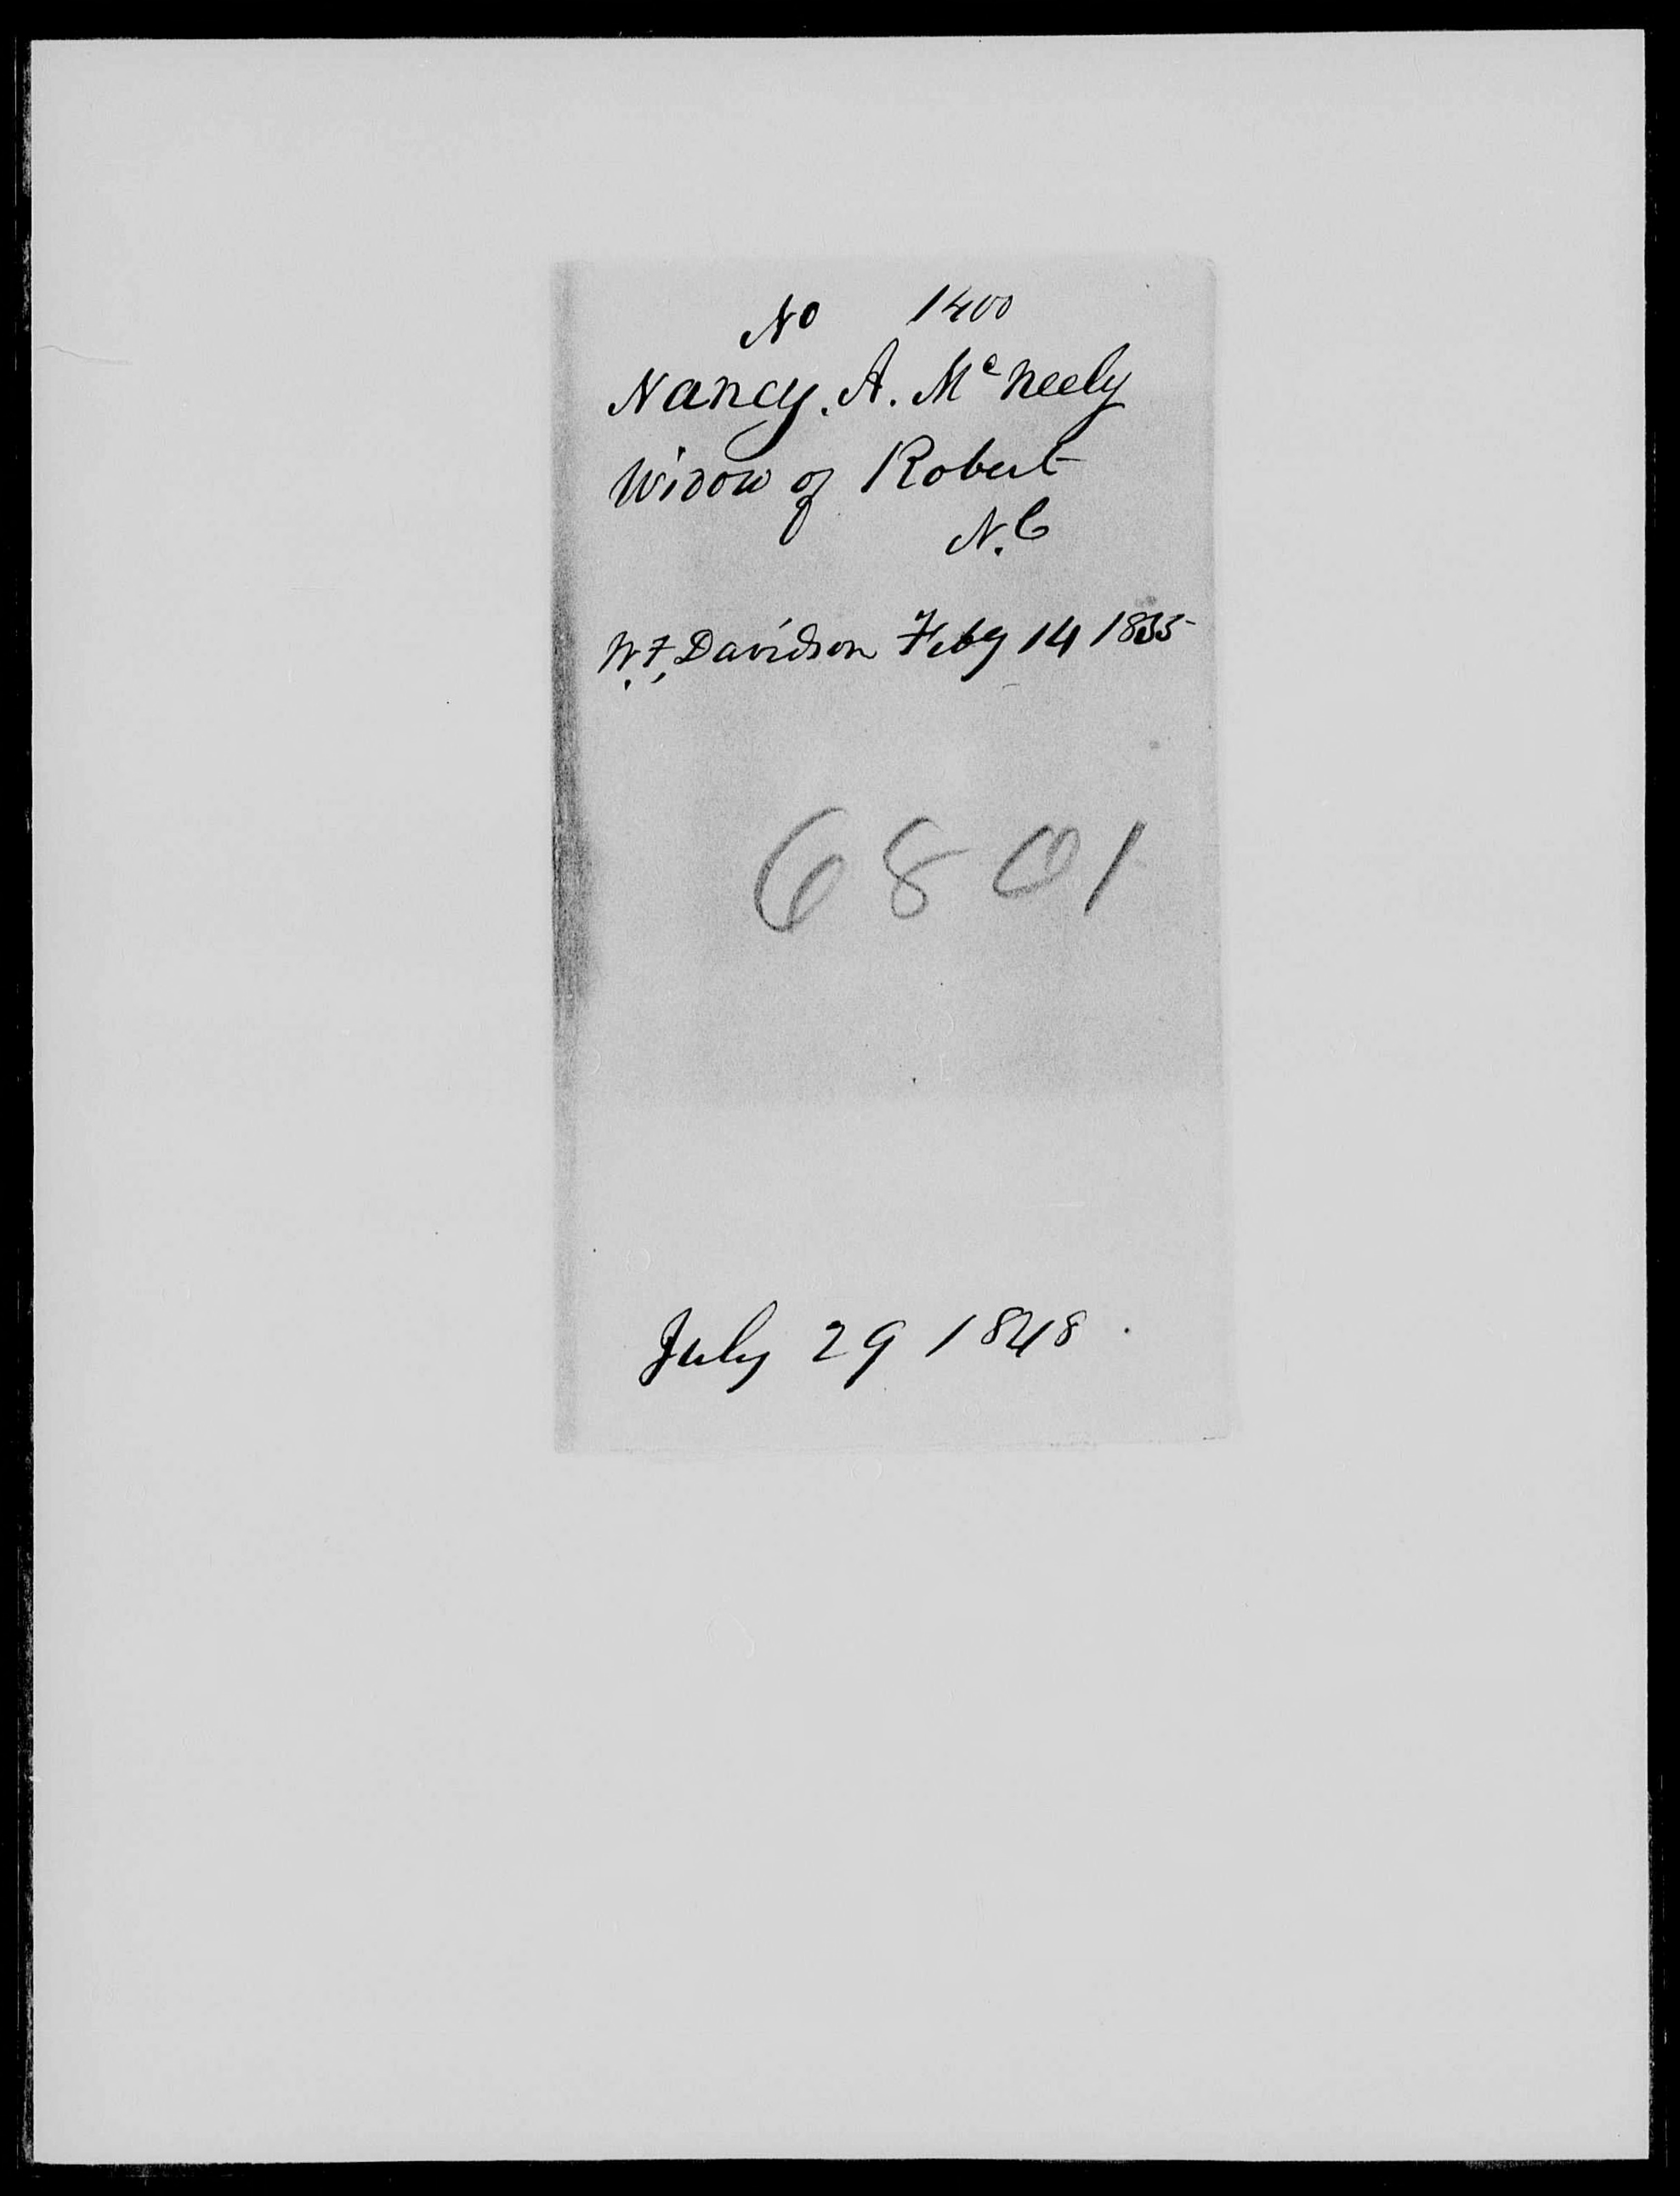No 1400
Nancy A. McNeely
Widow of Robert 
N.C..

W. F. Davidson Feby 14 1835

6801


July 29 1868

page: 9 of 13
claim: rejected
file: R. 6801, for Robert Mc Neely, Pennsylvania